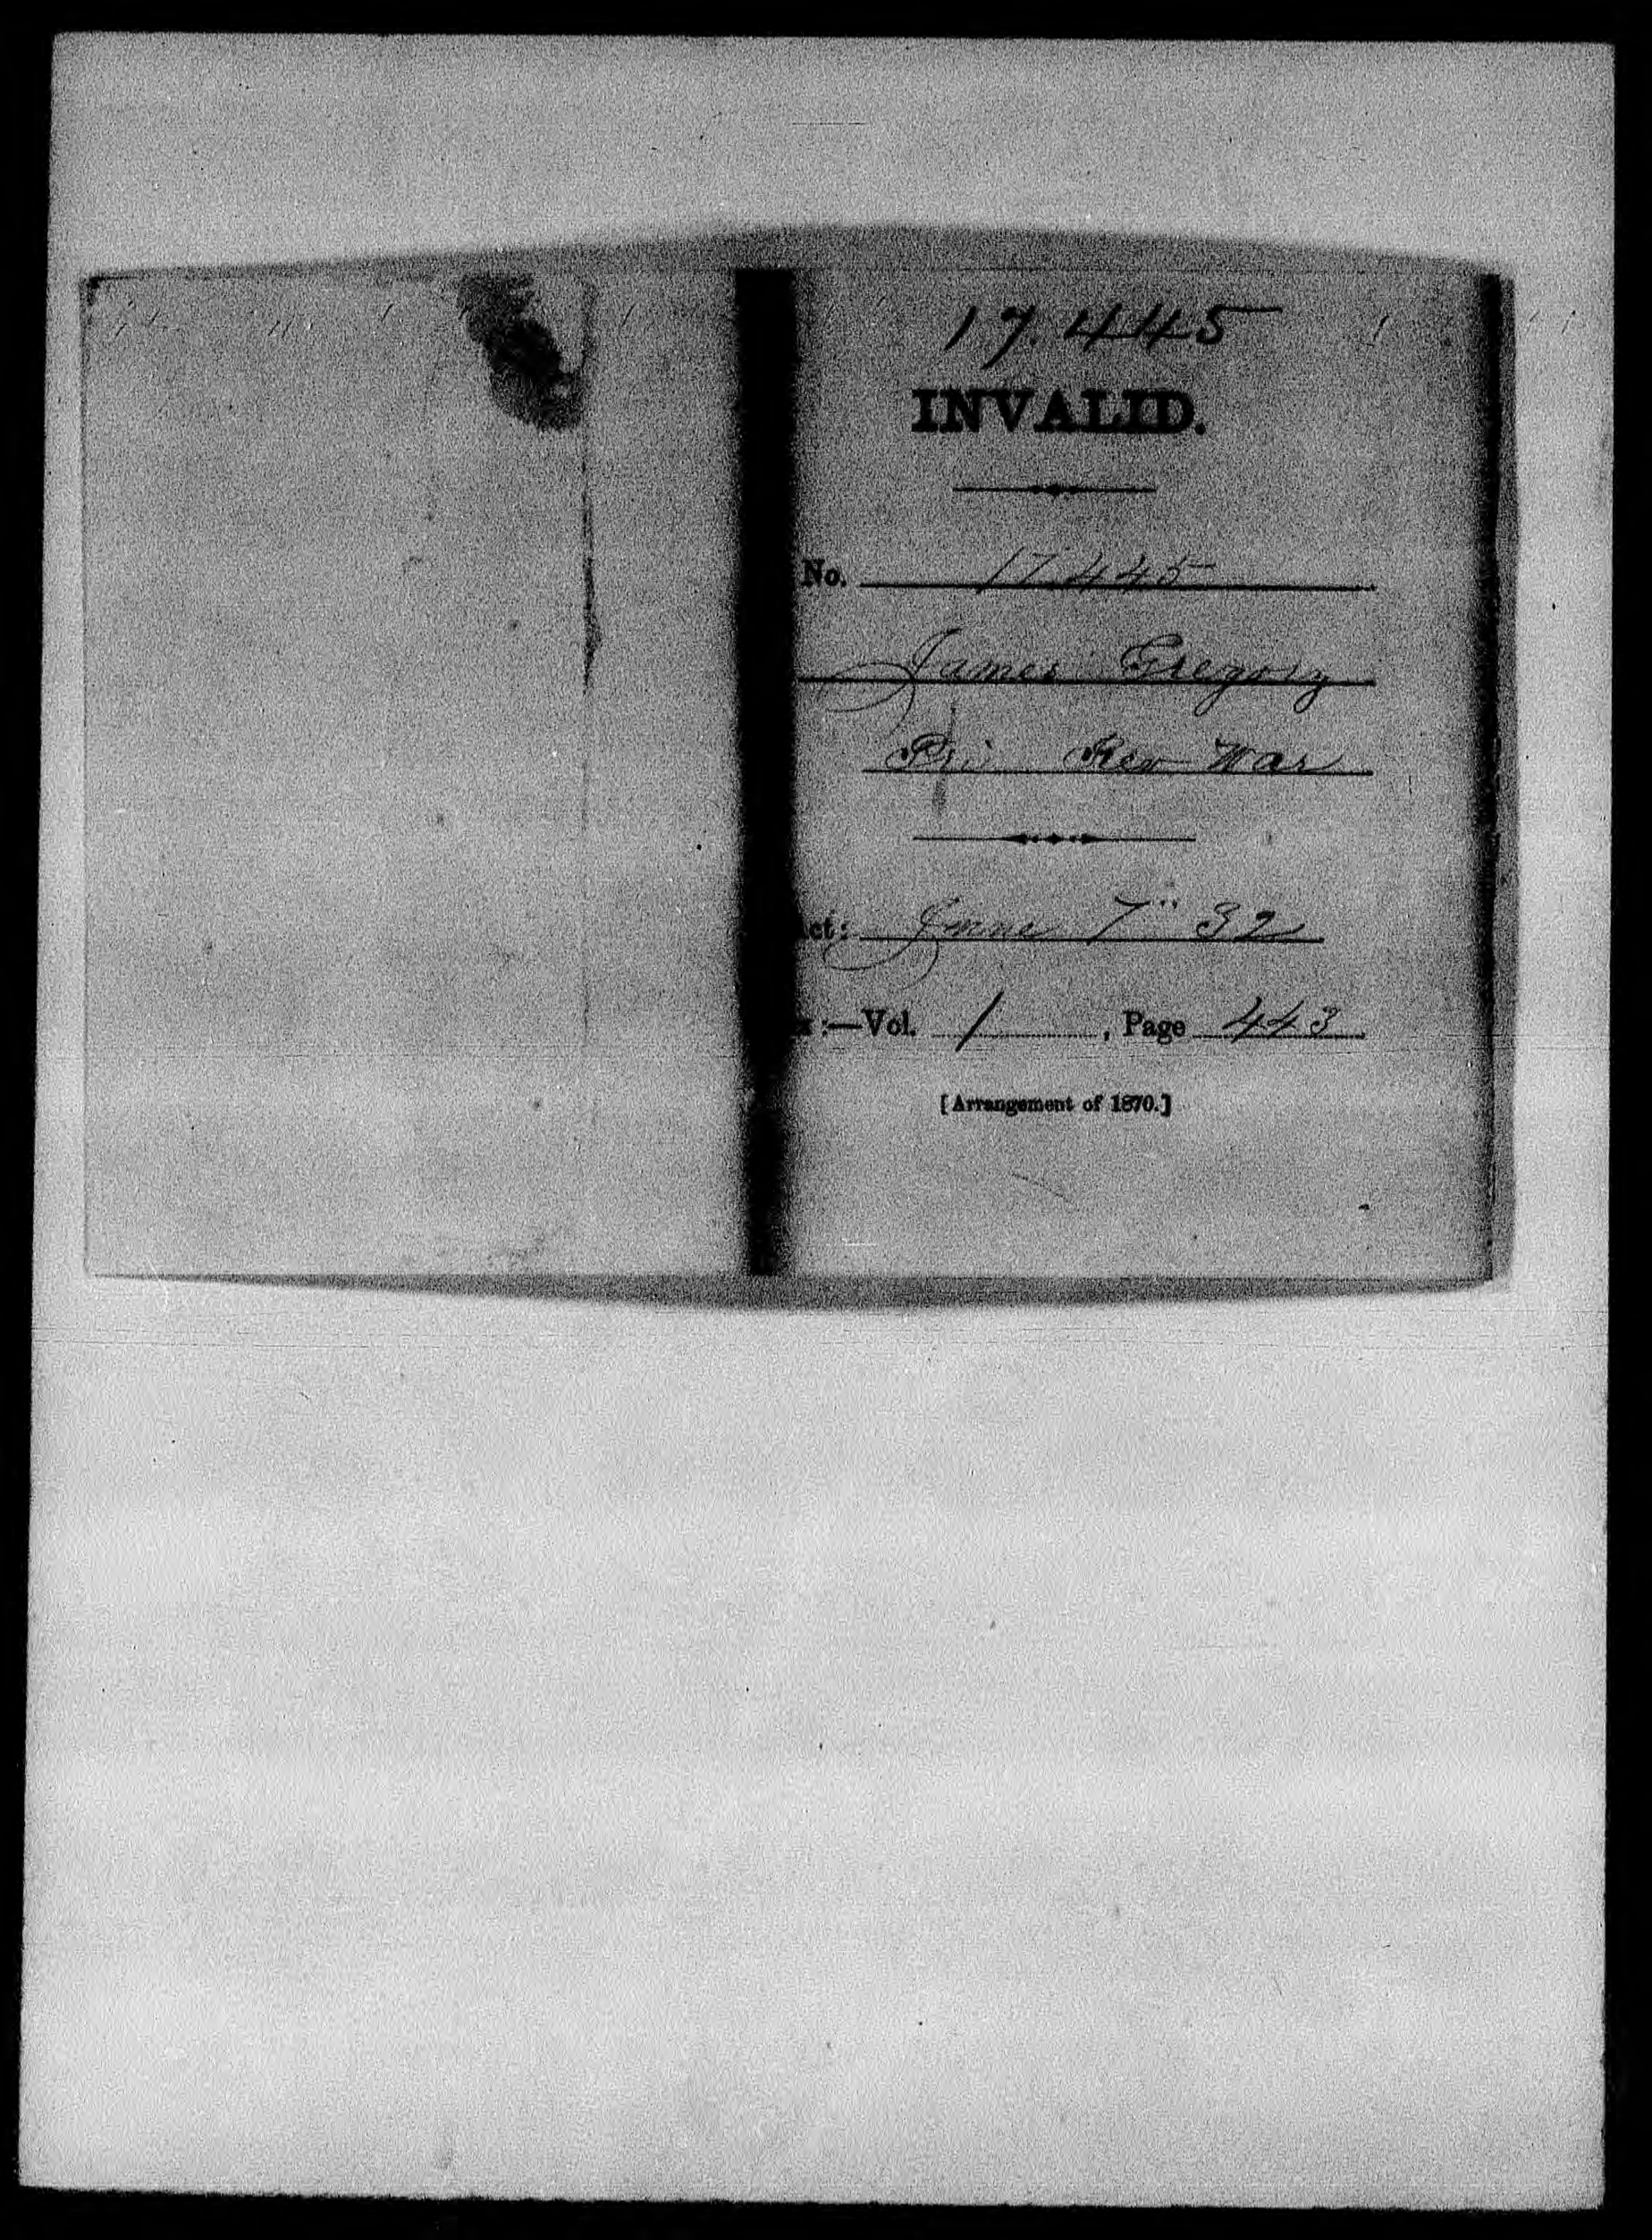17445
INVALID

File No. 17445
James Gregory
Pri Rev War

Act: June 7 '32

Index:- Vol. 1, Page 443

[Arrangement of 1870]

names: James Gregory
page: 27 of 27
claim: survivor's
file: S. 17445, James Gregory, Conn.